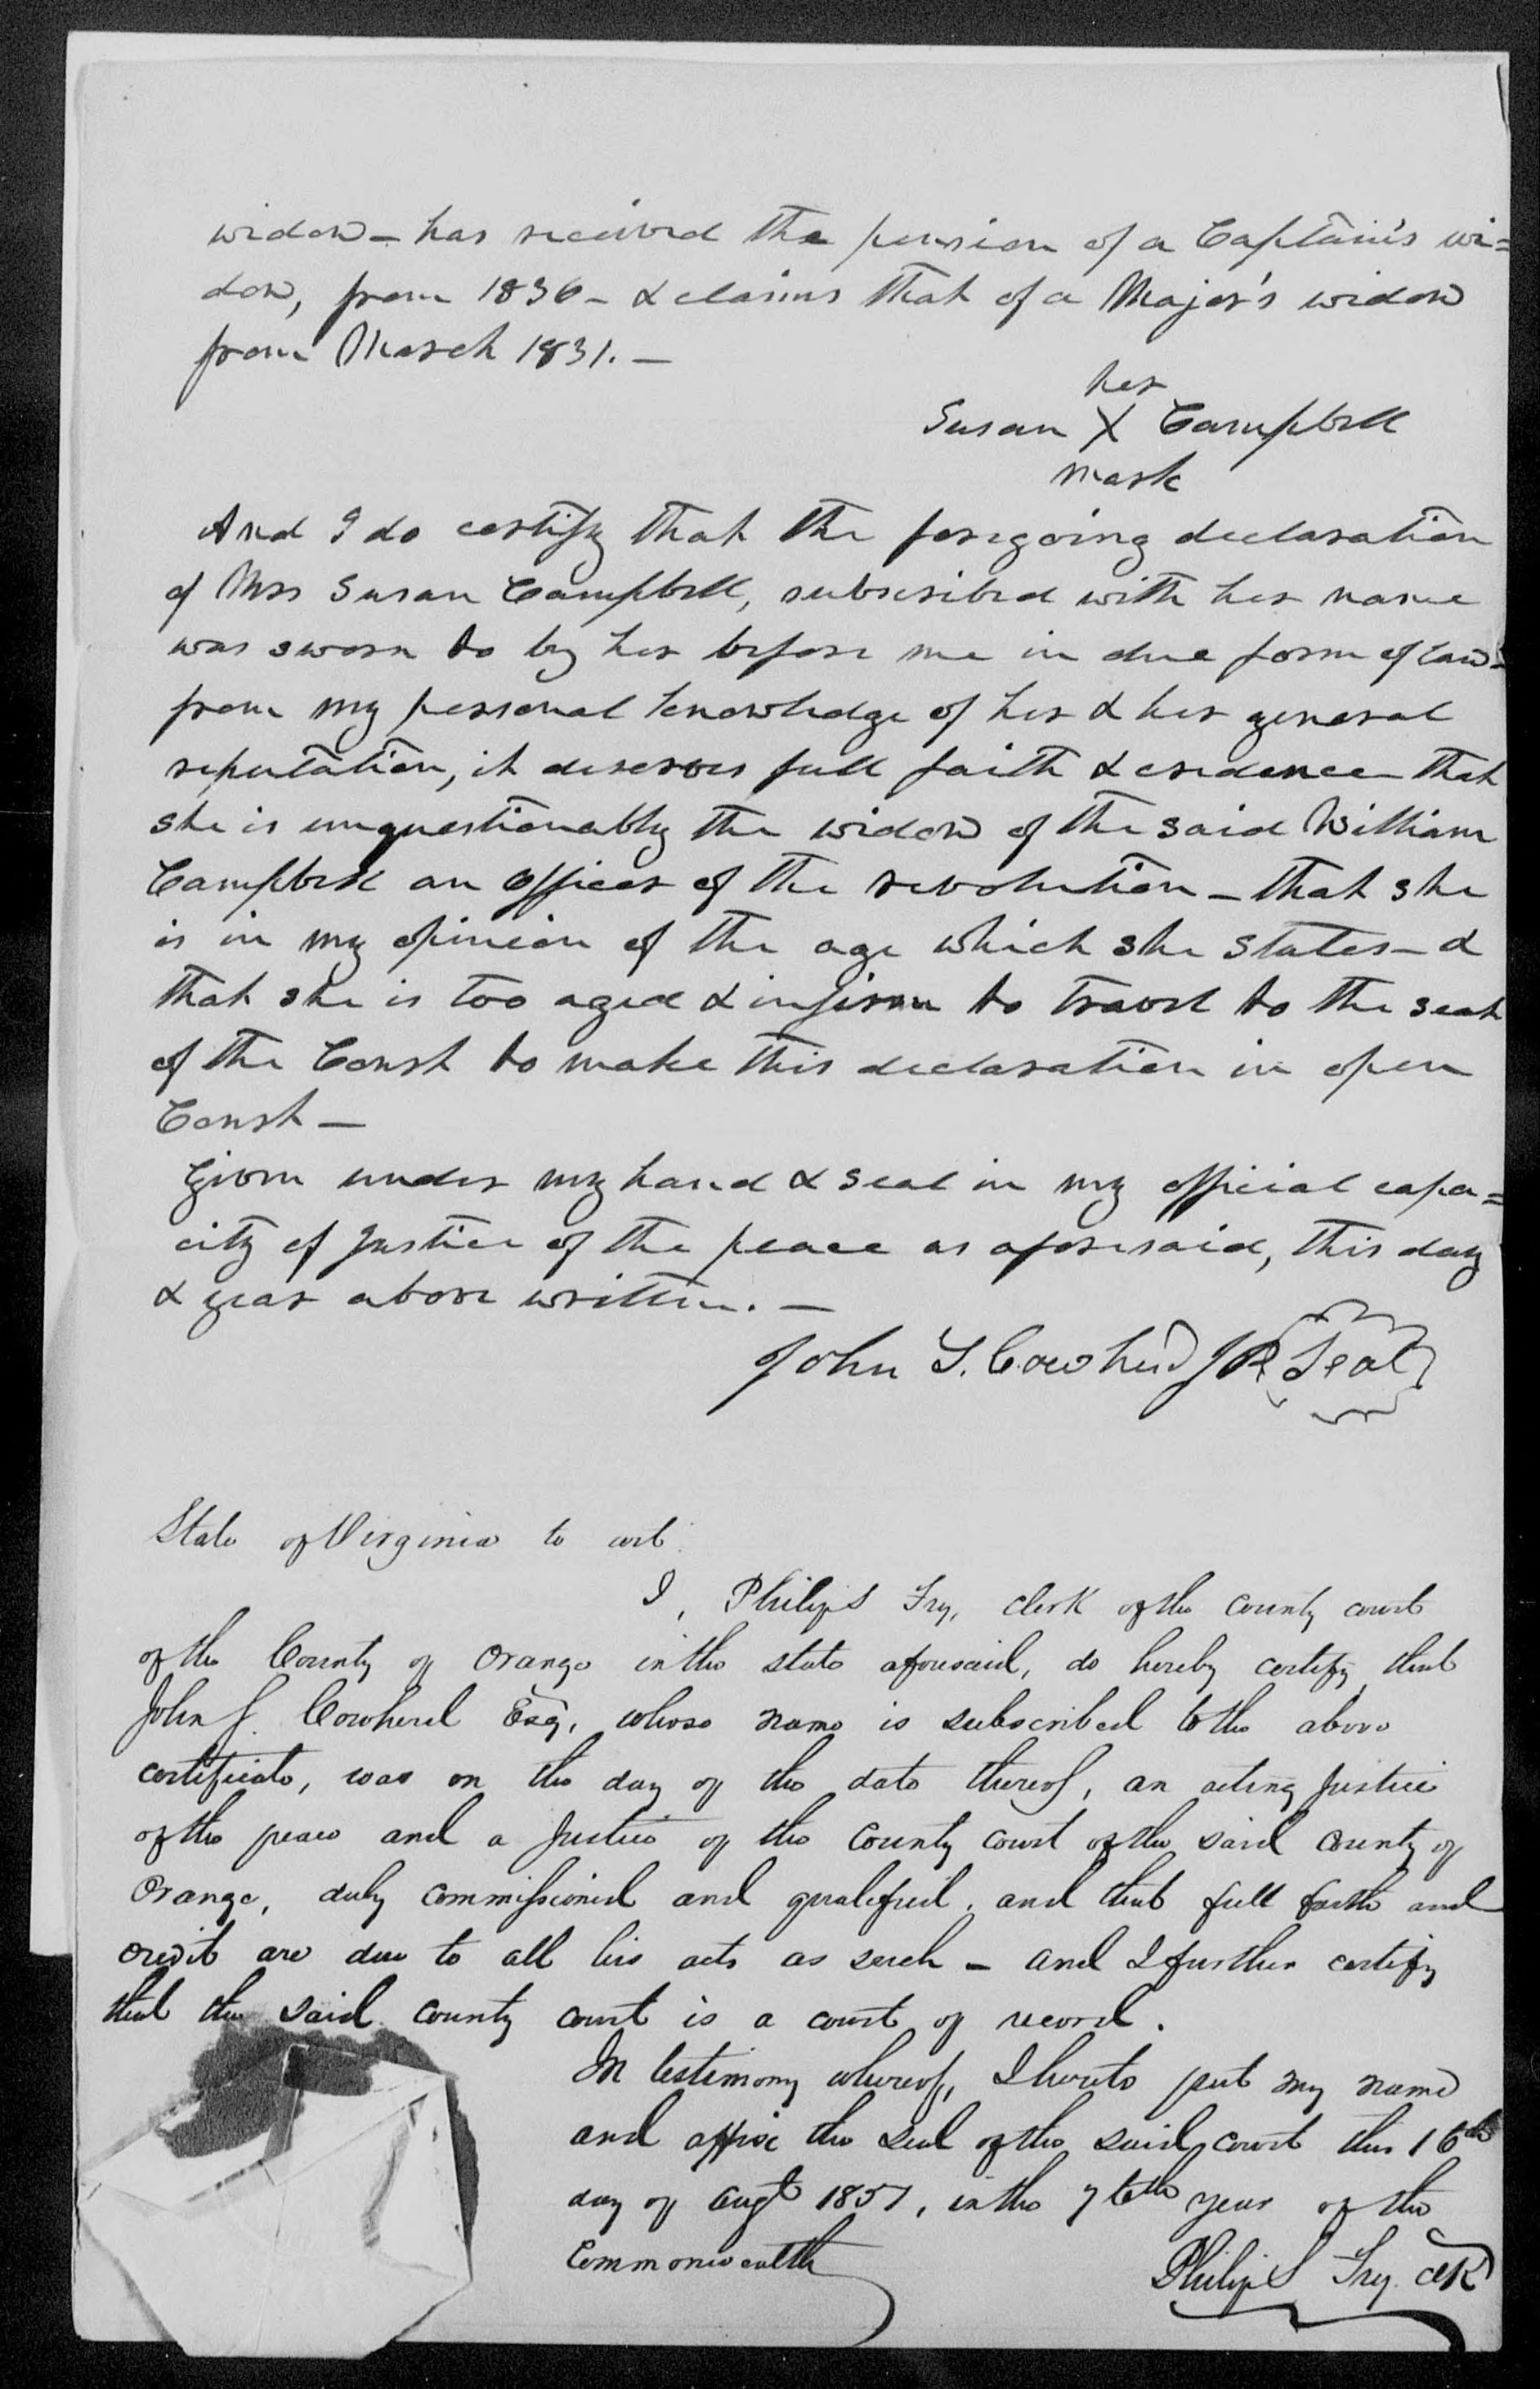widow __ has received the pension of a Captain's widow, from 1836 __ +[and] claims that of a Major's widow from March 1831, __
Susan  X her mark Campbell

And I do certify that the foregoing declaration of Mrs Susan Campbell, subscribed with her name was sworn to by her before me in due form of hand from my personal knowledge of her +[and] her general reputation, it deserves full faith +[and] credence that she is unquestioningly the widow of the said William Campbell an officer of the revolution __ that she is in my opinion of the age which she states__ +[and] that she is too aged +[and] infirm to travel to the seat of the Court to make this declaration in open Court __
Given under my hand +[and] seal in my official capacity of Justice of the Peace as aforesaid, this day +[and] year above written. ___
John S. Cowherd JP   [circle of inward facing loops with word "Seal" written in center]


State of Virginia to wit:
I, Philip S. Fry, clerk of the court and of the County of Orange in the State aforesaid, do hereby certify, that John S. Cowherd Esq., whose name is subscribed to the above certificate, was on the day of the date thereof, an acting Justice of the Peace and a Justice of the County Court of the said county of Orange, duly commissioned and qualified, and that full faith and credit are due to all his acts as such __ and I further certify that this said county court is a court of record.
In testimony whereof, I hereto put my name and affix the seal of the said court the 16th day of Aug 1857, in the 76th year of the Commonwealth
Philip S Fry clk

[Remnants of a circular seal in bottom left of the page covered with paper]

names: Philip S Fry, Susan Campbell, Susan Campbell, John S Cowherd, John S Cowherd, Philip S Fry, William Campbell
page: 118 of 267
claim: widow's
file: W. 4,149, William Campbell, Va.